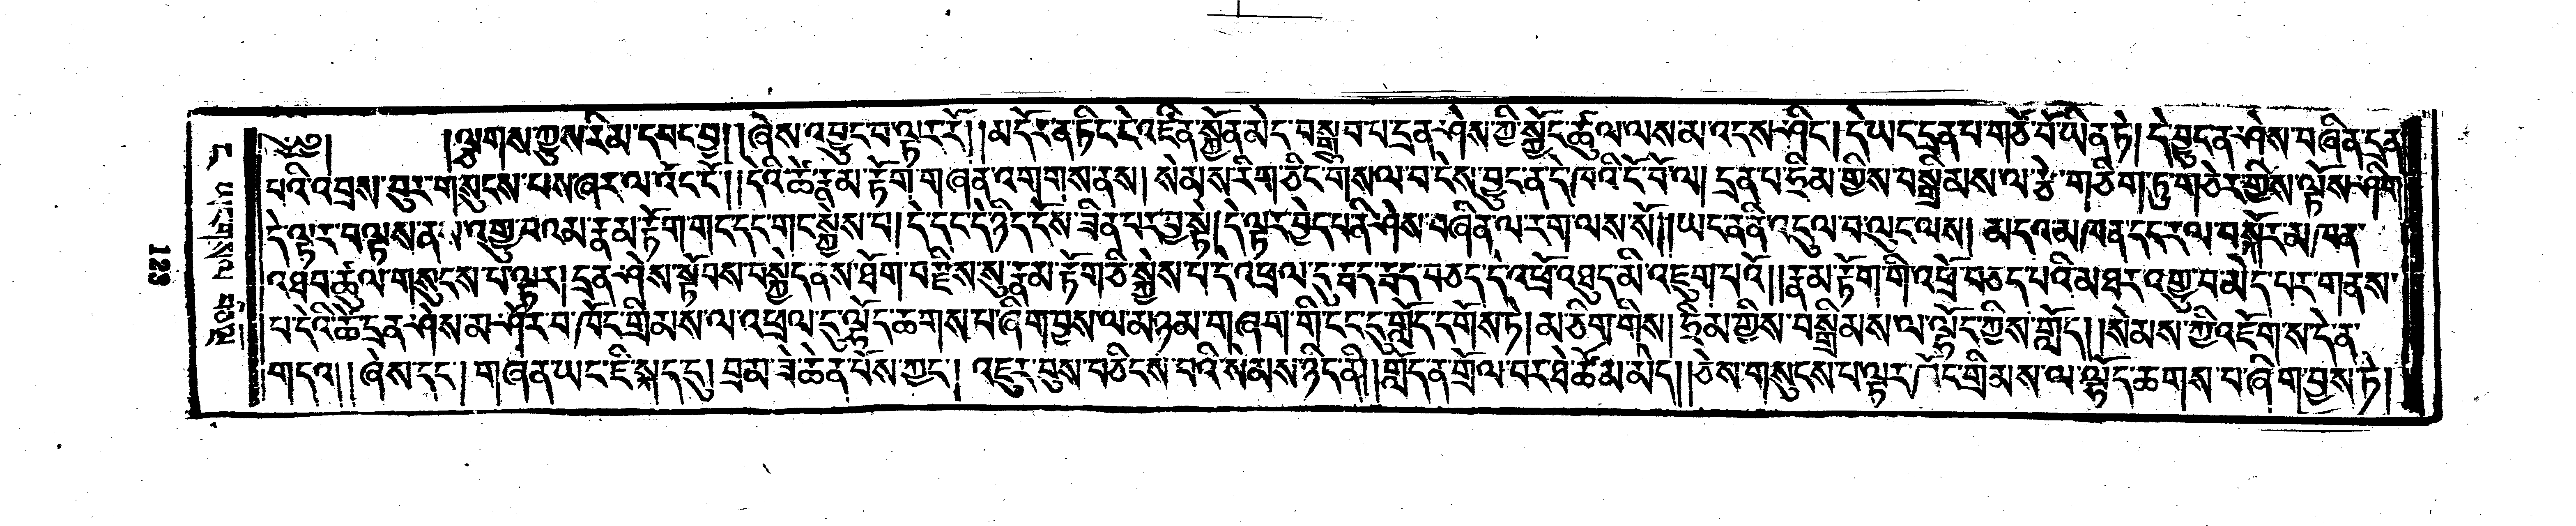༄༅། །ལྕགས་ཀྱུས་རིམ་དབང་བྱ། །ཞེས་འབྱུང་བ་ལྟར་རོ། །མདོར་ན་ཏིང་ངེ་འཛིན་སྐྱོན་མེད་བསྒྲུབ་པ་དྲན་ཤེས་ཀྱི་སྐྱོང་ཚུལ་ལས་མ་འདས་ཤིང་། དེ་ཡང་དྲན་པ་གཙོ་བོ་ཡིན་ཏེ། དེ་བྱུང་ན་ཤེས་བཞིན་དྲན་
པའི་འབྲས་བུར་གསུངས་པས་ཞར་ལ་འོང་ངོ། །དེའི་ཚེ་རྣམ་རྟོག་གཞན་འགགས་ནས། སེམས་རིག་ཅིང་གསལ་བ་ངེས་བྱུང་ན་དེ་ཁའི་ངོ་བོ་ལ། དྲན་པ་ཧྲིམ་གྱིས་བསྒྲིམས་ལ་རྩེ་གཅིག་ཏུ་གཅེར་གྱིས་ལྟོས་ཤིག་
དེ་ལྟར་བལྟས་ནས་འགྱུ་བའམ་རྣམ་རྟོག་གང་དང་གང་སྐྱེས་པ། དེ་དང་དེ་ཉིད་ངོས་ཟིན་པར་བྱ་སྟེ། དེ་ལྟར་བྱེད་པ་ནི་ཤེས་བཞིན་ལ་རག་ལས་སོ། ཡང་ན་ནི་འདུལ་བ་ལུང་ལས། མདའ་མཁན་དང་རལ་བསྐོར་མཁན་
འཐབ་ཚུལ་གསུངས་པ་ལྟར། དྲན་ཤེས་སྟོབས་བསྐྱེད་ནས་ཐོག་བརྫིས་སུ་རྣམ་རྟོག་ཅི་སྐྱེས་པ་དེ། ཕྲལ་དུ་རྦད་རྦད་བཅད་དེ་འཕྲོ་འཐུད་མི་འཇུག་པའོ། །རྣམ་རྟོག་གི་འཕྲོ་བཅད་པའི་མཐར་འགྱུ་བ་མེད་པར་གནས་
པ་དེའི་ཚེ་དྲན་ཤེས་མ་ཤོར་བ་ཁོང་གྲིམས་ལ་འཕྲལ་དུ་ལྷོད་ཆགས་པ་ཞིག་བྱས་ལ་མཉམ་གཞག་གི་ངང་དུ་གློད་དགོས་ཏེ། མ་ཅིག་གིས། ཧྲིམ་གྱིས་བསྒྲིམས་ལ་ལྷོད་ཀྱིས་གློད། །སེམས་ཀྱི་འཇོག་ས་དེ་ན་
གདའ། ཞེས་དང་། གཞན་ཡང་ཇི་སྐད་དུ། བྲམ་ཟེ་ཆེན་པོས་ཀྱང་། འཇུར་བུས་བཅིངས་པའི་སེམས་ཉིད་ནི། །གློད་ན་གྲོལ་བར་ཐེ་ཚོམ་མེད། །ཅེས་གསུངས་པ་ལྟར་ཁོང་གྲིམས་ལ་ལྷོད་ཆགས་པ་ཞིག་བྱས་ཏེ།